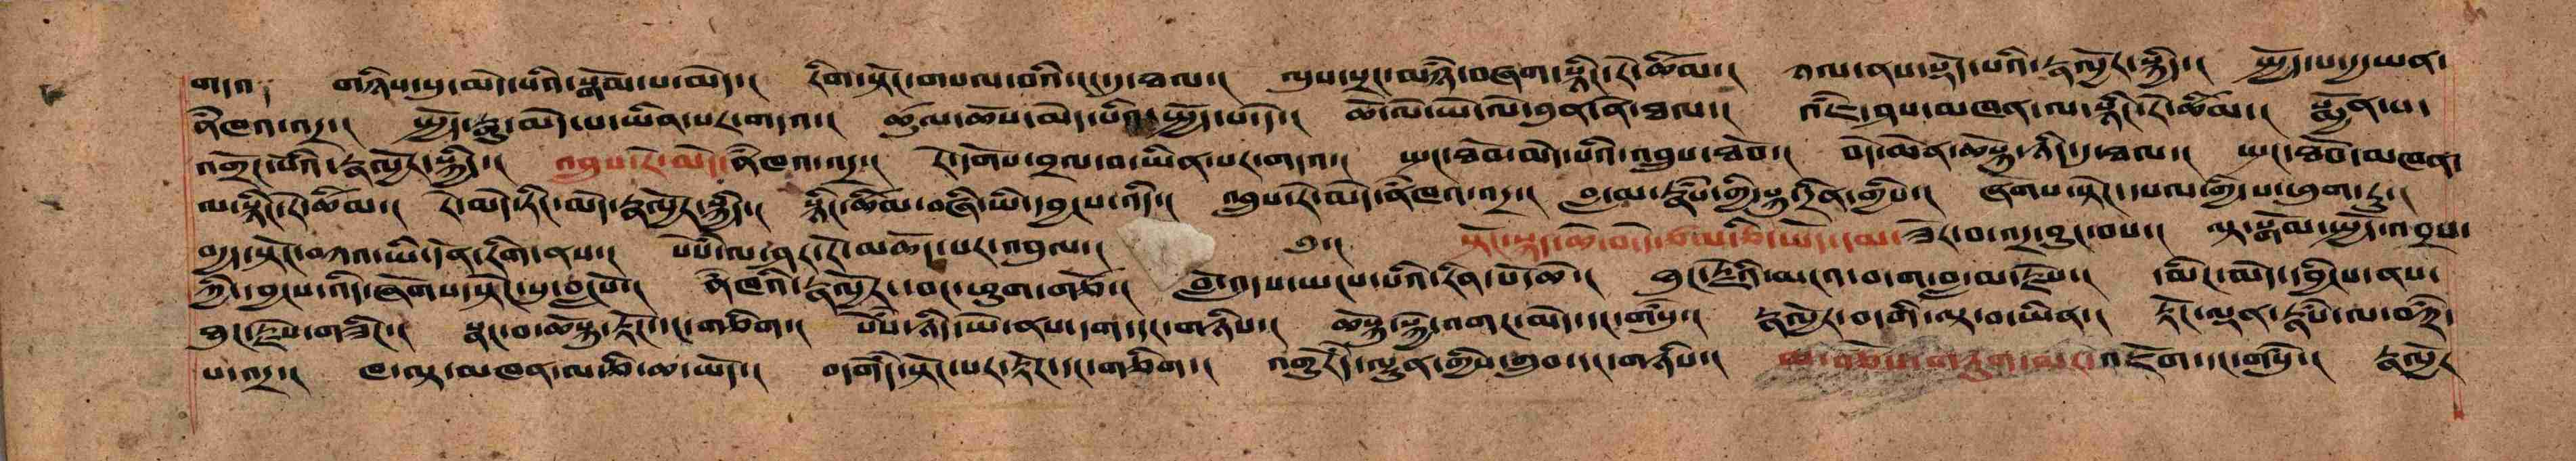གདབ།། གཉིས་སུ་མེད་པའི་སྒོམ་པ་མེད།། རིག་སྟོང་གསལ་བའི་ངང་དུ་ཐལ།། ལུས་སྲང་མཉམ་བཞག་སྙིང་རེ་ཚིམ།། ཉལ་ནས་སྡོད་པའི་རྣལ་འབྱོར་སྐྱིད།། སྤྱོད་པ་རྒྱ་ཡན་
ནམ་མཁའ་འདྲ།། སྤྱོད་རྒྱུ་མེད་པ་ཡིན་པར་གདའ།། ཚུལ་ཆོས་མེད་པའི་སྤྱོད་པ་དེ།། ཆེ་ལེ་ཡེ་ལེ་བུན་ནེ་ཐལ།། འཇམ་ཤས་མཁན་ལ་སྙིང་རེ་ཚིམ།། སྨྱོན་པ་
འགྲོགས་པའི་རྣལ་འབྱོར་སྐྱིད།། འབྲས་བུ་རེ་མེད་ནམ་མཁའ་འདྲ།། རེ་དོགས་བྲལ་བ་ཡིན་པར་གདའ།། སྤང་ཐོབ་མེད་པའི་འབྲས་བུ་ཐོབ།། བདེ་ཆེན་ཆོས་སྐུ་ཉིད་དུ་ཐལ།། སྤང་ཐོབ་མཁན་
ལ་སྙིང་རེ་ཚིམ།། རེ་མེད་ཏིང་མེད་རྣལ་འབྱོར་སྐྱིད།། སྙིང་ཚིམ་བཞི་ཡི་དབྱངས་འདི།། འབྲས་བུ་རེ་མེད་ནམ་མཁའ་འདྲ།། བླ་མ་རྣམས་ཀྱི་སྐུ་དྲིན་གྱིས།། ཞོགས་སྟེང་དཔལ་གྱི་བྲག་ཕུག་ཏུ།། 
བརྒྱད་སྟོང་བཀའ་ཡི་དོན་རིག་ནས།། སེམས་ལ་ཤར་རོ་མཆོད་པར་འབུལ།། ༄་། སྟོང་སྐད་ཆེ་བ་དེ་ཙམ་ཅི་ཡོད་དམ་ཟེར་བ་འདྲ་བྱུང་བས། ལྟ་སྒོམ་སྤྱོད་འབྲས་
ཀྱི་དབྱངས་འདི་ཞོགས་སྟེང་སུ་བླངས་སོ།། རྣམ་མཁའི་རྣལ་འབྱོར་དབང་ཕྱུག་གཙོ།། བློ་འདས་ཡངས་པའི་རིན་པོ་ཆེ།། ཐུགས་རྗེའི་མངའ་བདག་བླ་མ་རྗེས།། དམིགས་མེད་དབྱིངས་ནས་
ཐུགས་རྗེས་གཟིགས།། སྣང་བ་ཆོས་སྐུ་རྟོགས་དང་གཅིག།། སེམས་ཉིད་ཡེ་ནས་དག་དང་གཉིས།། ཆོས་སྐུ་སྐྱེ་འགག་མེད་དང་གསུམ།། རྣལ་འབྱོར་བདག་གི་ལྟ་བ་ཡིན།། རྟོགས་ལྡན་རྣམས་ལ་བཀྲི་
པ་འདྲ།། ཁ་ལྟ་མཁན་ལ་ཅི་ཆ་ཡོད།། བདག་ཉིད་སྟོང་པར་རྟོགས་དང་གཅིག། འགྱུར་མེད་ལྷུན་གྱིས་གྲུབ་དང་གཉིས།། མ་བཅོས་གཉུག་མར་འཇོག་དང་གསུམ།། རྣལ་འབྱོར་